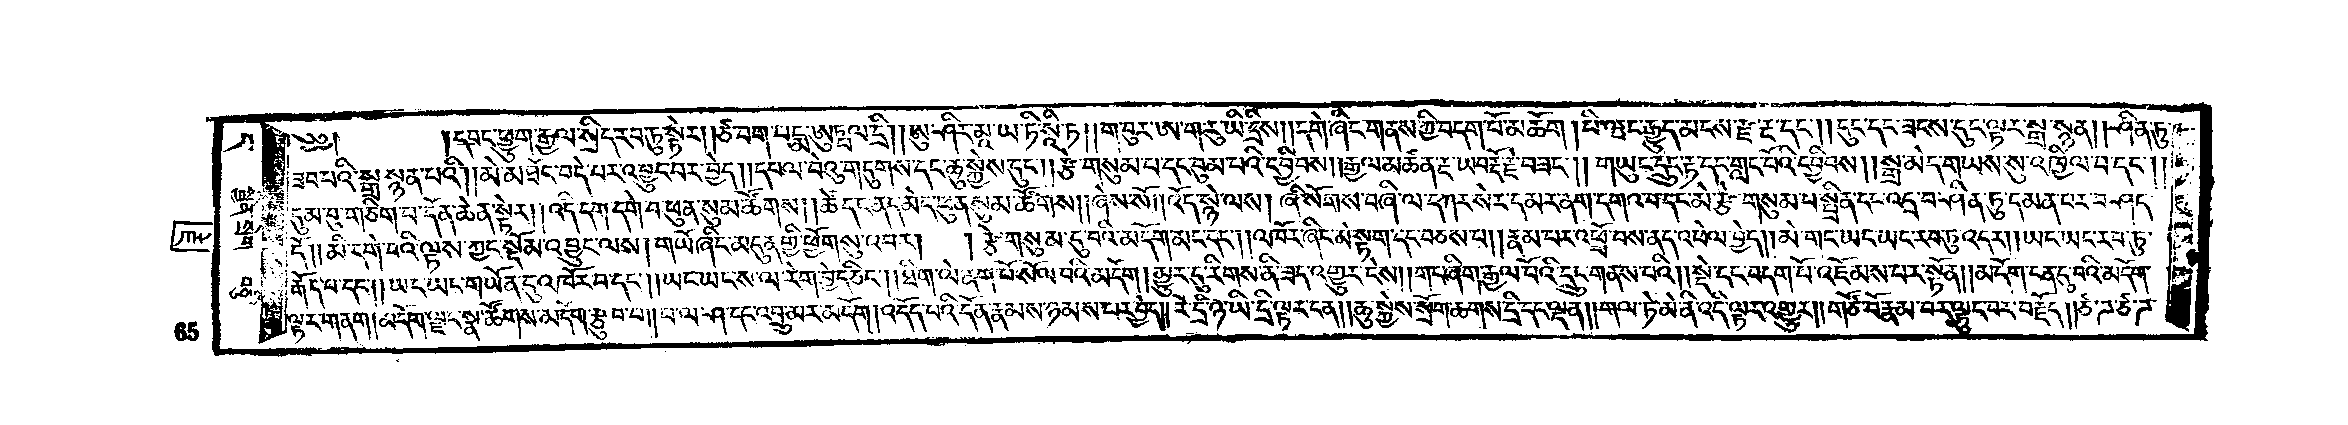༄༅། །དབང་ཕྱུག་རྒྱལ་སྲིད་རབ་ཏུ་སྟེར། །ཙ་བག་པདམ་ཨུཏྤལ་དྲི། །ཨུ་ཤིར་མཱ་ཡ་ཏི་སཱི་ཏ། །ག་བུར་ཨ་ག་རུ་ཡི་དྲིས། །དགེ་ཞིང་གནས་ཀྱི་བདག་པོ་མཆོག །པི་ཝང་རྒྱུད་མངས་རྫ་རྔ་དང་། །དུང་དང་ཟངས་དུང་ལྟར་སྒྲ་སྙན། །ཤིན་ཏུ་
ཟབ་པའི་སྒྲ་སྙན་པའི། །མེ་མཐོང་བདེ་པར་འབྱུང་བར་བྱེད། །དཔལ་བེའུ་གདུགས་དང་ཆུ་སྐྱེས་དུང་། །རྩེ་གསུམ་པ་དང་བུམ་པའི་དབྱིབས། །རྒྱལ་མཚན་རྔ་ཡབ་རྡོ་རྗེ་བཟང་། །གཡུང་དྲུང་རྟ་དང་གླང་པོའི་དབྱིབས། །སྒྲ་མེད་གཡས་སུ་འཁྱིལ་བ་དང་། །
དུམ་བུ་གཅིག་པ་དོན་ཆེན་སྟེར། །འདི་དག་དགེ་བ་ཕུན་སུམ་ཚོགས། །ཚེ་དང་ནད་མེད་ཕུན་སུམ་ཚོགས། །ཞེས་སོ། །འོད་སྙེ་ལས། ཞི་སོགས་བཞི་ལ་དཀར་སེར་དམར་ནག་དགའ་བ་དང་མེ་རྩེ་གསུམ་པ་སྤྲིན་དང་འདྲ་བ་ཤིན་ཏུ་དམན་པར་བཤད་
དོ། །མི་དགེ་བའི་ལྟས་ཀྱང་སྡོམ་འབྱུང་ལས། གཡོ་ཞིང་མདུན་གྱི་ཕྱོགས་སུ་འབར། །རྩེ་གསུམ་དུ་བའི་མདོག་མང་དང་། །འཁོར་ཞིང་མེ་སྟག་དང་བཅས་པ། །རྣམ་པར་འཕྲོ་བས་ནད་འཕེལ་བྱེད། །མེ་གང་ཡང་ཡང་རབ་ཏུ་འདར། །ཡང་ཡང་རབ་ཏུ་
རྒོད་པ་དང་། །ཡང་ཡང་གཡོན་དུ་འཁོར་བ་དང་། །ཡང་ཡང་ས་ལ་རེག་བྱེད་ཅིང་། །ཐིག་ལེ་ནག་པོ་སོལ་བའི་མདོག །མྱུར་དུ་རིགས་ནི་ཟད་འགྱུར་ངེས། །གང་ཞིག་རྒྱལ་པོའི་དྲུང་གནས་པའི། །སྡེ་དང་བདག་པོ་འཇོམས་པར་སྟོན། །མདོག་ངན་དུ་བའི་མདོག་
ལྟར་གནག །མདོག་ལྗང་སྣ་ཚོགས་མདོག་རྩུབ་པ། །པ་ལ་ཤ་དང་འབྲུ་མར་མདོག །འདོད་པའི་དོན་རྣམས་ཉམས་པར་བྱེད། །རེ་དྲི་ཉ་ཡི་དྲི་ལྟར་ངན། །ཆུ་སྐྱེས་སྲོག་ཆགས་དྲི་དང་ལྡན། །གལ་ཏེ་མེ་ནི་འདི་ལྟར་འགྱུར། །གཙོ་བོ་རྣམ་པར་ལྟུང་བར་བརྗོད། །ཙ་ཌ་ཙ་ཌ་